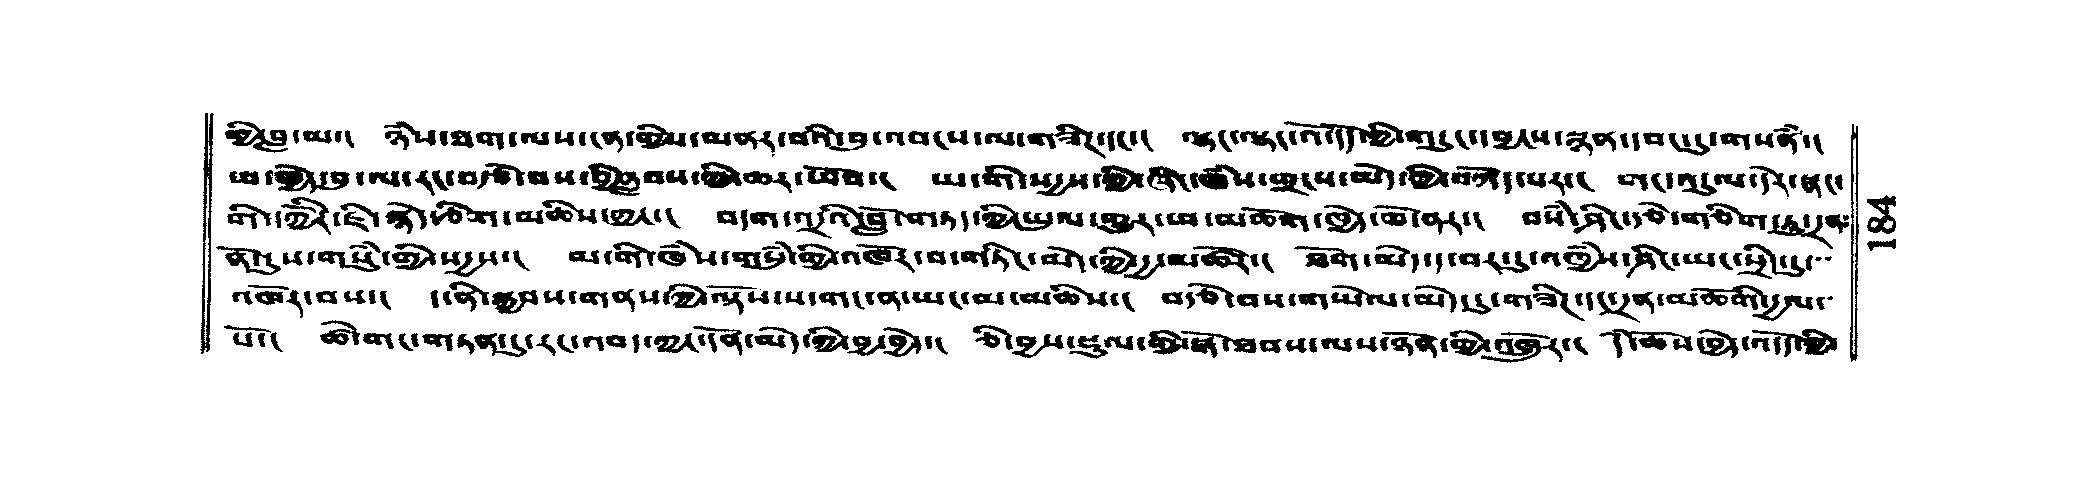གྱི་བླ་མ། །ཉམ་ཐག་ལས་ངན་གྱིས་མནར་བའི་བུ་འབངས་ལ་གཟིགས་དང་། །ལྷང་ལྷང་འོ་དོད་ཀྱི་གདུང་དབྱངས་སྙན་དབང་དུ་གསན་ནམ། །
ཕ་ཁྱེད་བུ་ལ་རང་བརྩེ་བས་བྱིན་རླབས་ཀྱི་ཆར་ཕོབ། །ཡ་གི་སངས་རྒྱས་ཀྱི་ཞིང་ཁམས་གྲངས་མེད་ཀྱི་བཀོད་པར། །གང་འདུལ་དེར་སྣང་
གི་དཀྱིལ་འཁོར་ཇི་སྙེད་གཅིག་མཆིས་ཀྱང་། །བདག་འདྲའི་བློ་གཏད་ཀྱི་ཡུལ་གྱུར་ཕ་མཆོག་ཁྱེད་ཁོ་ནར། །བསམ་ཞིང་རྩེ་གཅིག་ཏུ་དྲན་
ནོ་དུས་གསུམ་གྱི་སངས་རྒྱས། །མ་གི་ཁམས་གསུམ་གྱི་འཁོར་བ་གཏིང་མེད་ཀྱི་རྒྱ་མཚོར། །ཐོག་མེད་ད་བར་དུ་འཁྱམས་ཤིང་ཡང་སྲིད་དུ་
འཁོར་བས། །ད་ནི་སྐྱབས་གནས་ཀྱི་ལྟོས་ས་གང་ན་ཡང་མ་མཆིས། །བརྩེ་བས་གཡེལ་མེད་དུ་གཟིགས་དང་དྲན་མཆོག་གི་རྒྱལ་
པོ། །ཚེ་གང་གཏན་དུ་རང་འབད་ཀྱང་དོན་མེད་ཀྱི་བྱ་བྱེད། །ཅི་བྱས་སྡུག་བསྔལ་གྱི་སྒོ་ཐབས་ལས་ཉོན་གྱི་འཕྲུལ་འཁོར། །དམ་ཆོས་བྱེད་འདོད་ཀྱི་